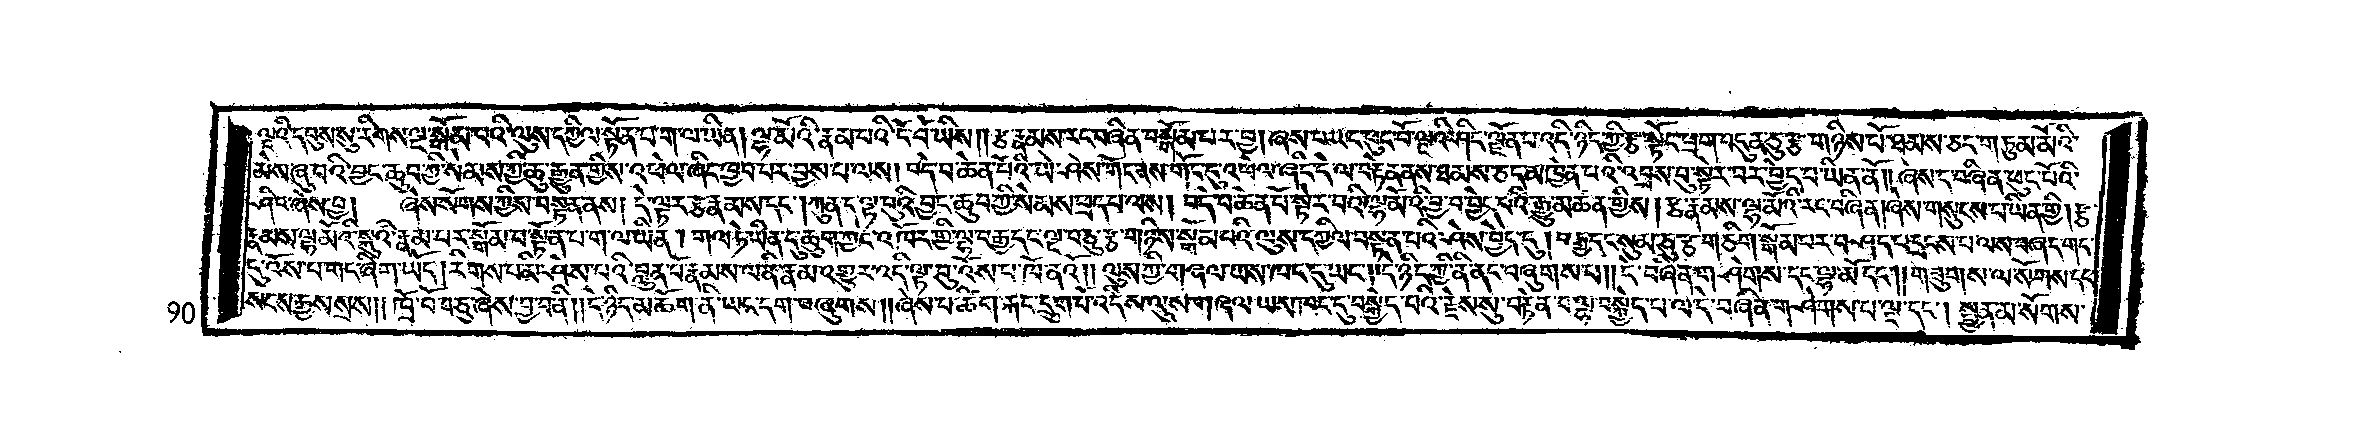ལྔའི་དབུས་སུ་རིགས་ལྔ་སྒོམ་པའི་ལུས་དཀྱིལ་སྟོན་པ་ག་ལ་ཡིན། ལྷ་མོའི་རྣམ་པའི་ངོ་བོ་ཡིས། །རྩ་རྣམས་རང་བཞིན་བསྒོམ་པར་བྱ། ཞེས་པ་ཡང་ཕུང་པོ་ངའི་ཤིང་ལྗོན་པ་འདི་ཉིད་ཀྱི་རྩ་སྟོང་ཕྲག་བདུན་ཅུ་རྩ་གཉིས་པོ་ཐམས་ཅད་གཏུམ་མོའི་
མེས་ཞུ་བའི་བྱང་ཆུབ་ཀྱི་སེམས་ཀྱི་ཆུ་རྒྱུན་གྱིས་འཕེལ་ཞིང་ཁྱབ་པར་བྱས་པ་ལས། བདེ་བ་ཆེན་པོའི་ཡེ་ཤེས་གོང་ནས་གོང་དུ་འཕེལ་ཞིང་དེ་ལ་བརྟེན་ནས་ཐམས་ཅད་མཁྱེན་པའི་འབྲས་བུ་སྟེར་བར་བྱེད་པ་ཡིན་ནོ། །ཞེས་ད་བཞིན་ཕུང་པོའི་
ཤི་བ་ཞེས་བྱ། ཞེས་སོགས་ཀྱིས་བསྟན་ནས། དེ་ལྟར་རྩ་རྣམས་དང་། ཀུན་ད་ལྟ་བུའི་བྱང་ཆུབ་ཀྱི་སེམས་ཕྲད་པ་ལས། བདེ་བ་ཆེན་པོ་སྟེར་བའི་ལྷ་མོའི་བྱ་བ་བྱེད་པའི་རྒྱུ་མཚན་གྱིས། རྩ་རྣམས་ལྷ་མོའི་རང་བཞིན། ཞེས་གསུངས་པ་ཡིན་གྱི། རྩ་
རྣམས་ལྷ་མོའི་སྐུའི་རྣམ་པར་སྒོམ་པ་སྟོན་པ་ག་ལ་ཡིན། གལ་ཏེ་ཡིན་དུ་ཆུག་ཀྱང་འཁོར་གྱི་ལྷ་བརྒྱ་དང་ལྔ་བཅུ་རྩ་གཉིས་སྒོམ་པའི་ལུས་དཀྱིལ་བསྟན་པའི་ཤེས་བྱེད་དུ། བརྒྱ་དང་སུམ་ཅུ་རྩ་གཅིག་སྒོམ་པར་བཤད་པ་དྲངས་པ་ལས་བཞད་གང་
དུ་འོས་པ་གང་ཞིག་ཡོད། རིགས་པ་མི་ཤེས་པའི་བླུན་པོ་རྣམས་ལ་ནི་རྣམ་འགྱུར་འདི་ལྟ་བུ་འོས་པ་ཁོ་ནའོ། །ལུས་ཀྱི་གཞལ་ཡས་ཁང་དུ་ཡང་། །དེ་ཉིད་ཀྱི་ནི་ནང་བཞུགས་པ། །དེ་བཞིན་གཤེགས་དང་ལྷ་མོ་དང་། །གཟུགས་ལ་སོགས་དང་
སངས་རྒྱས་སྲས། །ཁྲོ་བོ་བཅུ་ཞེས་བྱ་བ་ནི། །དེ་ཉིད་མཆོག་ནི་ཡང་དག་བཞུགས། །ཞེས་པ་ཚིག་རྐང་དྲུག་པོ་འདིས་ལུས་གཞལ་ཡས་ཁང་དུ་བསྐྱེད་པའི་རྗེས་སུ་བརྟེན་པ་ལྷ་བསྐྱེད་པ་ལ་དེ་བཞིན་གཤེགས་པ་ལྔ་དང་། སྤྱན་མ་སོགས་